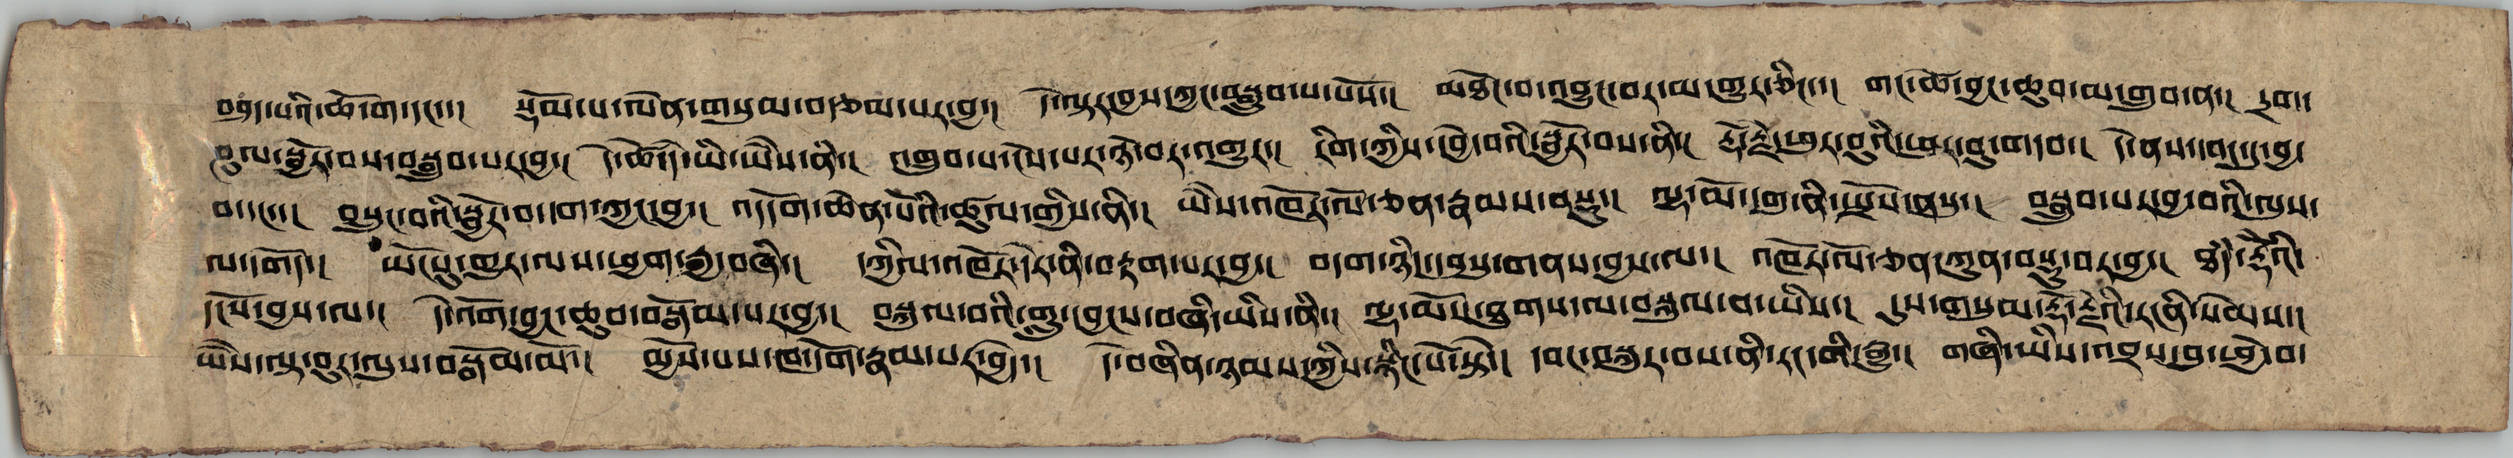བཤང་པའི་ཆོ་ག་དང་་། སྡོམ་པ་ལེན་གསུམ་བརྩམ་པར་བྱ་། དེ་ལྟར་བྱས་ཀྱང་བསྒྲུབ་པ་པོས་། མཐོང་བ་འབྱུང་བར་མ་གྱུར་ཅིང་་། གང་ཚེ་བྱང་ཆུབ་མ་གྲུབ་ན་། དྲག་
ཤུལ་སྦྱོར་བས་བསྒྲུབ་པར་བྱ་། དེ་ཚེ་དེ་ཡི་ཡཻས་ནི་། འགྲུབ་པ་ངེས་པར་ཉེ་བར་འགྱུར་། རིག་ཀྱིས་དབྱེ་བའི་སྦྱོར་བས་ནི་། རྡོ་རྗེ་ཕུར་བུའི་ཕུར་བུ་གདབ་། དེ་ནས་དབང་དུ་བྱ་
བ་དང་་། བསྲུང་བའི་སྦྱོར་བ་དག་ཀྱང་བྱ་། འདདོག་ཆེན་པོའི་ཚུལ་གྱིས་ནི་། ཡཻས་འཁོར་ལོ་ཅན་རྣམས་བསྡུ་། ལྷ་མོ་དགུ་ནི་སྤྲོས་ནསུ་། བསྒྲུབ་པར་བྱ་བའི་ལུས་
ལ་དགོད་། ཡོངསུ་གྱུར་ལས་ཕྱག་རྒྱ་བཞི་། དཀྱིལ་འཁོར་དེར་ནི་བརྟག་པར་བྱ་། བདག་ཉིད་དབུསུ་གནས་བྱས་ལ་། འཁོར་ལོ་ཅན་ཀུན་བསྡུ་བར་བྱ་། ཐཾད་རྡོེའི་
དངོས་བྱས་ལ་། དེ་འོག་བྱང་ཆུབ་བསྒོམ་པར་བྱ་། བསྐུལ་བའི་གླུ་དབྱངས་བཞི་ཡིས་ནི་། ལྷ་མོས་ཐུགས་ལ་བསྐུལ་བ་ཡིས་། དུས་གསུམ་རྡོ་རྗེའི་རངནི་སེམས་།
ཡཻས་ལྟ་བུར་ལུས་བསྒོམ་མོ་། མྱོས་པས་ཁ་དོག་རྣམ་པར་བྱེད་། དེ་བཞིན་ཉམས་ཀྱིས་སྙིང་པོ་སྟེ་། དབང་བསྐུར་བས་ནི་རང་གི་རྒྱུ་། གཞི་ཡིས་འབྲས་བུ་ཕྱེ་བ་